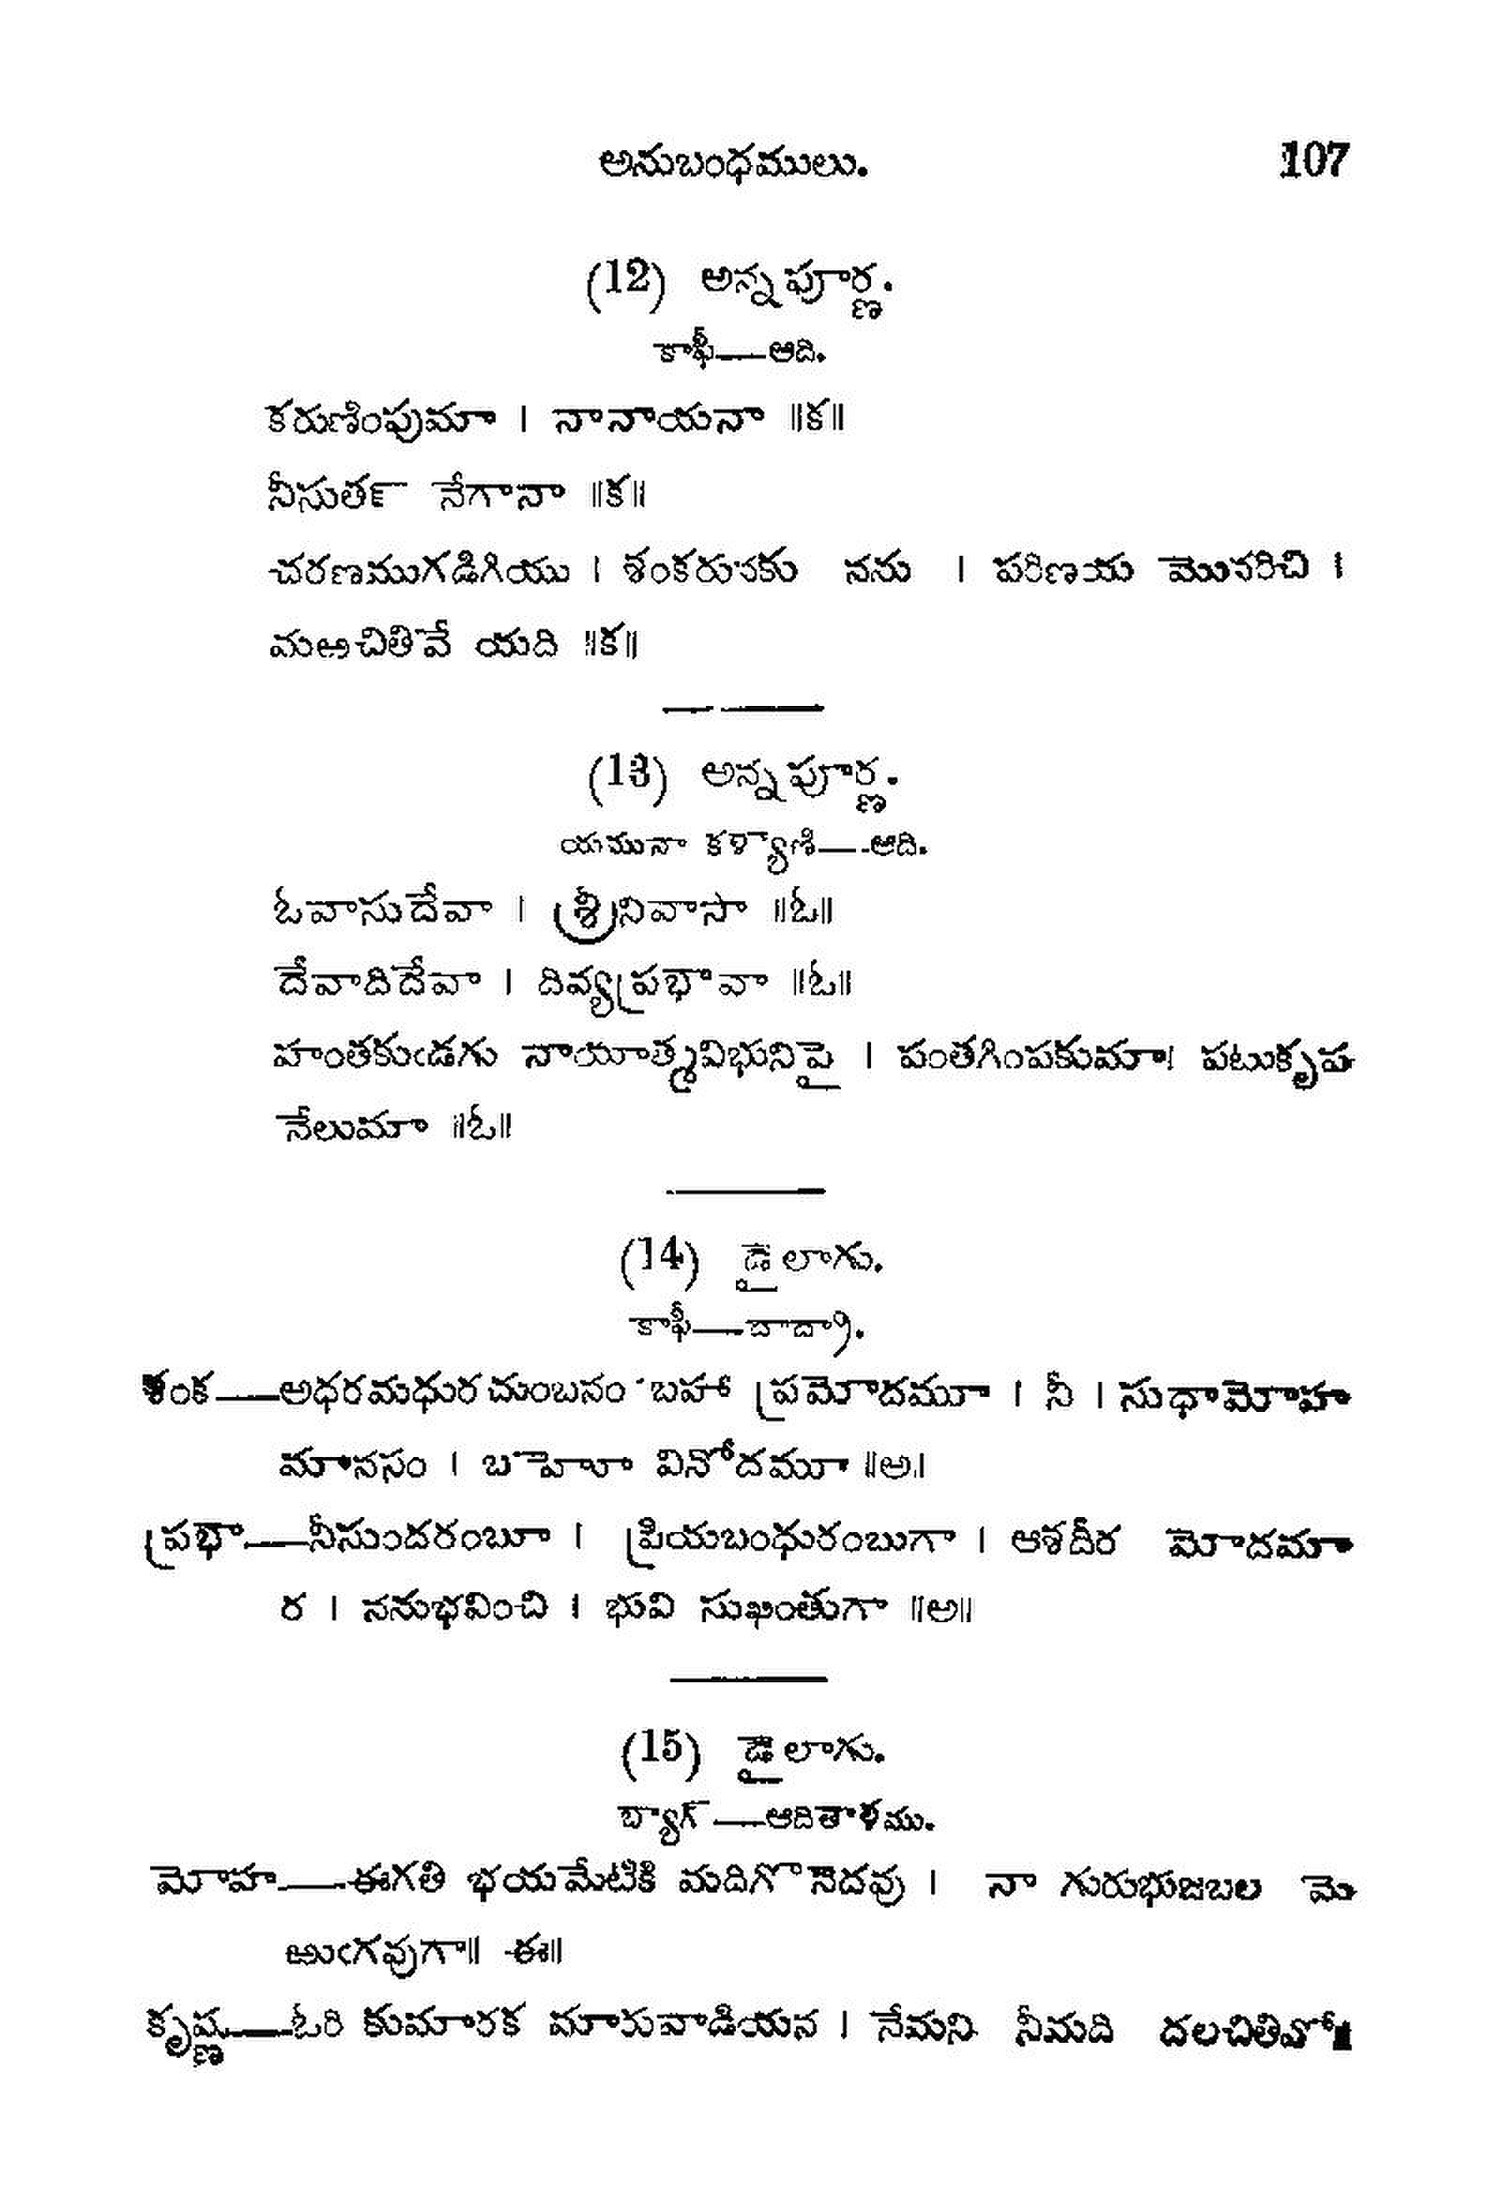కరుణింపుమా | నానాయనా ||క||
నీసుతన్ నేగానా ||క||
చరణముగడిగియు | శంకరునకు నను | పరిణయ మొనరిచి |
మఱచితివే యది |క||

ఓవాసుదేవా | శ్రీనివాసా ||ఓ ||
దేవాదిదేవా | దివ్యప్రభావా || ఓ ||
హంతకుఁడగు నాయాత్మవిభునిపై | పంతగింపకుమా! పటుకృప
నేలుమా ||ఓ

శంక - అధరమధుర చుంబనం "బహా ప్రమోదమూ | నీ | సుధామోహ
 మానసం | బాహూ వినోదమూ ||అ.
ప్రభా - నీసుందరంబూ | ప్రియబంధురంబుగా | ఆశదీర మోదమా
 ర | ననుభవించి | భువి సుఖంతుగా || అ||

మోహ - ఈగతి భయమేటికి మదిగొనెదవు | నా గురుభుజబల మె
 ఱుఁగవుగా | ఈ ||
కృష్ణ - ఓరి కుమారక మారువాడియన | నేమని నీమది దలచితివో!